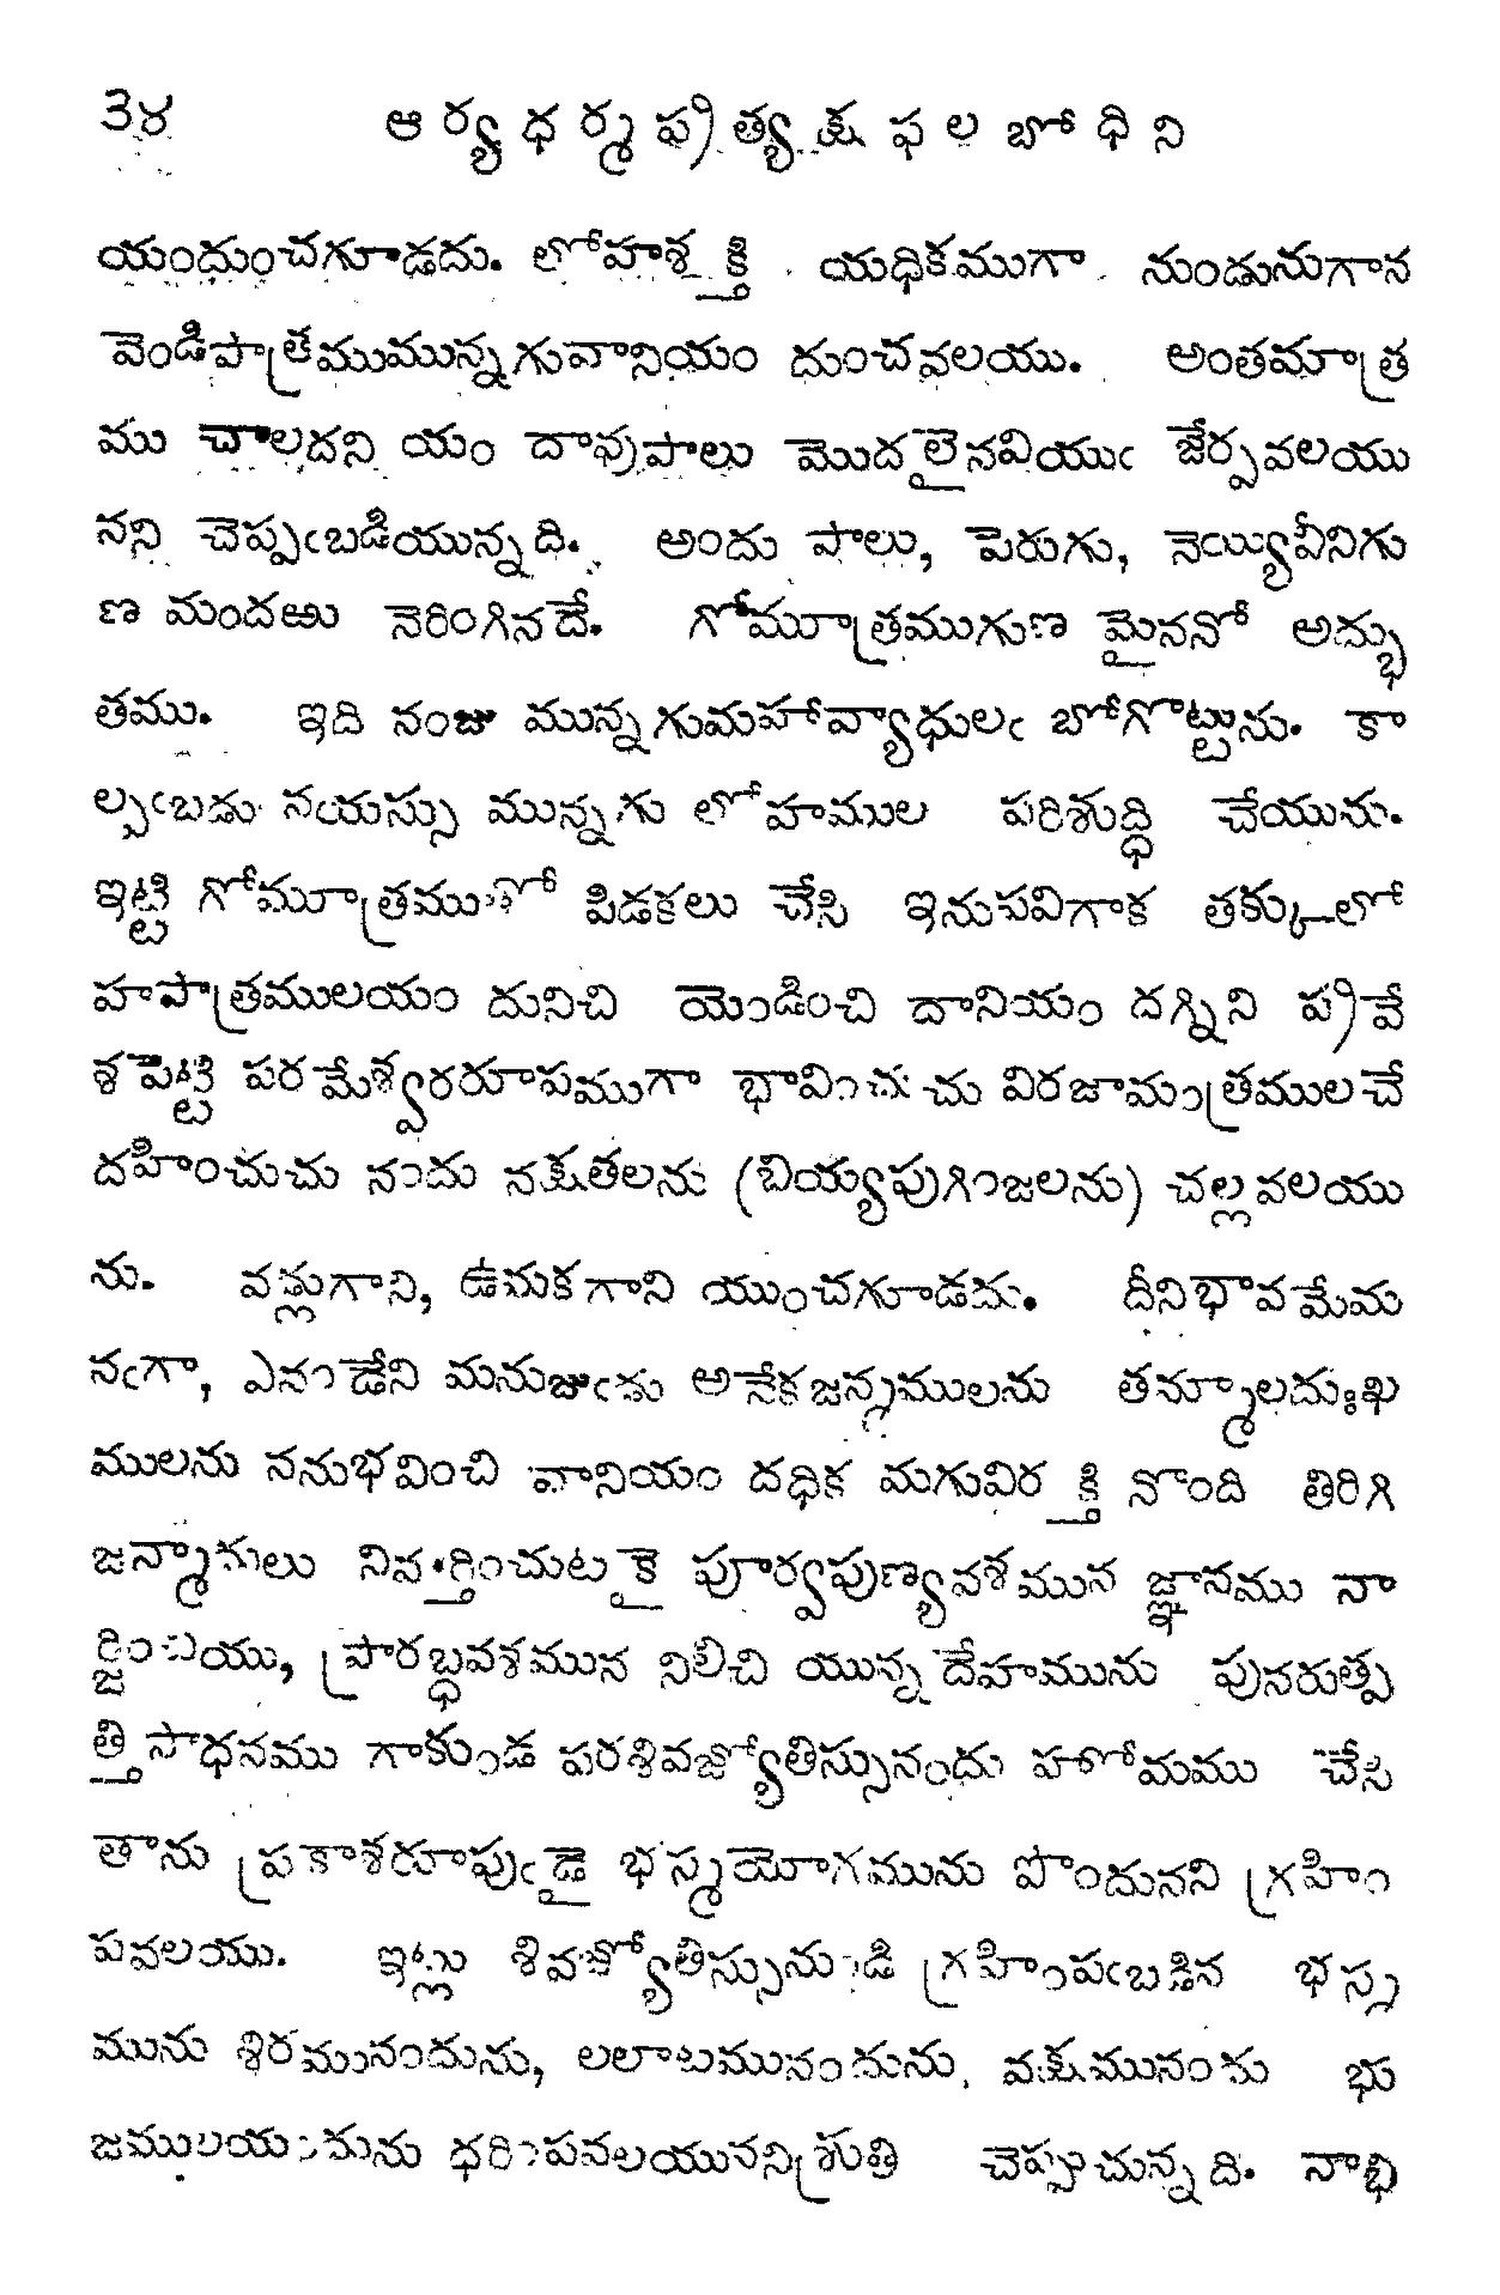యందుంచగూడదు. లోహశక్తి యధికముగా నుండునుగాన వెండిపాత్రముమున్నగువానియం దుంచవలయు. అంతమాత్రము చాలదని యం దావుపాలు మొదలైనవియుఁ జేర్పవలయునని చెప్పఁబడియున్నది. అందు పాలు, పెరుగు, నెయ్యివీనిగుణ మందఱు నెరింగినదే. గోమూత్రముగుణ మైననో అద్భుతము. ఇది నంజు మున్నగుమహావ్యాధులఁ బోగొట్టును. కాల్పఁబడు నయస్సు మున్నగు లోహములు పరిశుద్ధి చేయును. ఇట్టి గోమూత్రముతో పిడకలు చేసి ఇనుపవిగాక తక్కులోహపాత్రములయం దునిచి యెండించి దానియం దగ్నిని ప్రవేశపెట్టి పరమేశ్వరరూపముగా భావించుచు విరజామంత్రములచే దహించుచు నందు నక్షతలను (బియ్యపుగింజలను) చల్లవలయును. వడ్లుగాని, ఉమకగాని యుంచగూడదు. దీనిభావమేమనఁగా, ఎనండేని మనుజుఁడు అనేకజన్మములను తన్మూలదుఃఖములను ననుభవించి వానియం దధిక మగువిరక్తి నొంది తిరిగి జన్మాదులు నివర్తించుటకై పూర్వపుణ్యవశమున జ్ఞానము నార్జించియు, ప్రారబ్ధవశమున నిలిచి యున్నదేహమును పునరుత్పత్తిసాధనము గాకుండ పరశివజ్యోతిస్సునందు హోమము చేసి తాను ప్రకాశరూపుఁడై భస్మయోగమును పొందునని గ్రహింపవలయు. ఇట్లు శివజ్యోతిస్సునుండి గ్రహింపఁబడిన భస్మమును శిరమునందును, లలాటమునందును, వక్షమునందు భుజములయందును ధరింపవలయునని శ్రుతి చెప్పుచున్నది. నాభి